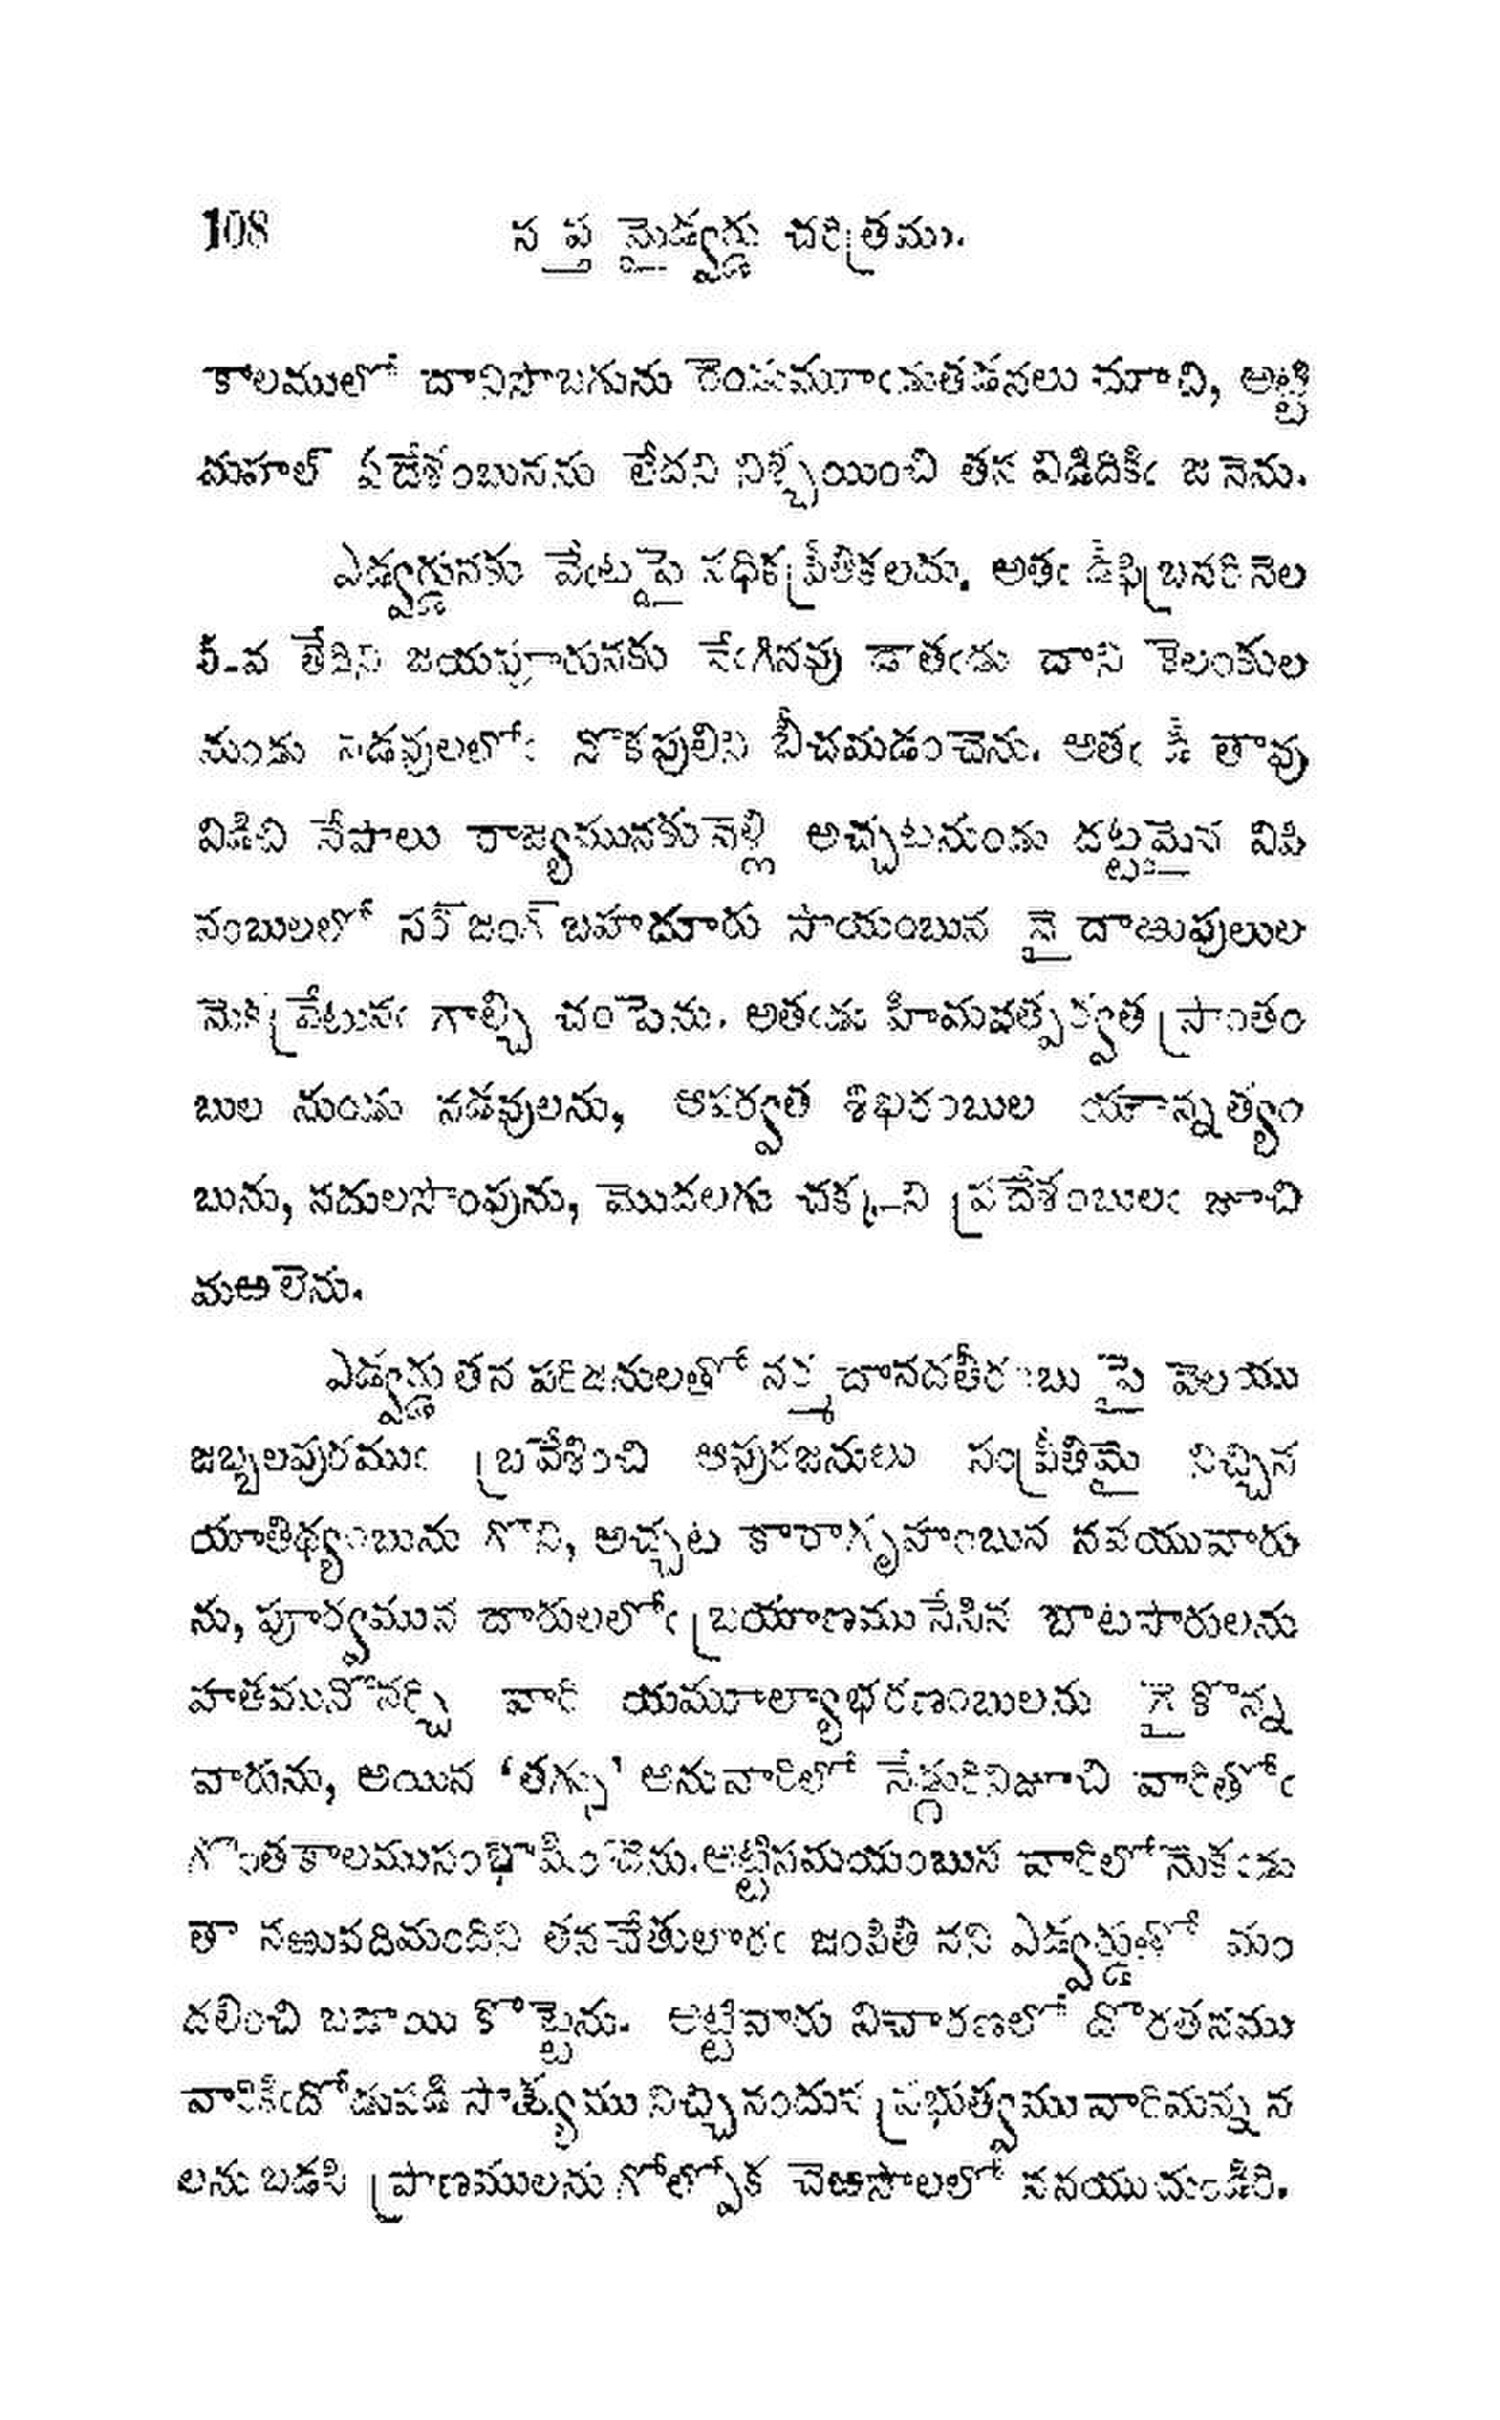.

కాలములో దాని సొబగును రెండు మూఁడుతడవలు చూచి, ఆ మహల్" ఏదేశంబునకు లేదని నిశ్చయించి తన విడిదికిఁ జనెను.

ఎడ్వర్డునకు వేటపై సధిక ప్రీతికలదు. అతఁడి ఫిబ్రసకి నెల 5.వ తేదిని జయపూరునకు నేఁగినవు డాతఁడు దాని కెలంకుల నుండు నడవులలో నొక పులిసి బీచమడంచెను. అతడీ తావు విడిచి నేపాలు రాజ్యమునకు వెళ్లి అచ్చట నుండు దట్టమైన నిపీ నంబులలో సర్ జంగ్ బహదూరు సాయంబున నై దాఱుపులుల నొక వేటునఁ గాల్చి చంపెను. అతఁడు హిమవత్పర్వత ప్రాంతం బుల నుండు నడవులను, పర్వత శిఖరంబుల యౌన్నత్యం బును, సదులసొంపును, మొదలగు చక్కని ప్రదేశంబులఁ జూచి మఱలెను.

ఎడ్వర్డు తన పరి జనులతో నర్మదానదీ తీరంబు పై వెలయు జబ్బలపురముఁ బ్రవేశించి ఆ పురజనులు సంప్రీతిమై నిచ్చిన యూతిథ్యంబులును గొని, అచ్చట కారాగృహంబున నవయువారు ను, పూర్వమున దారులలోఁ బ్రయాణము సేసిన బాటసారులను హతము నొనర్చి వారి యమూల్యాభరణంబులను గైకొన్న వారును, అయిన 'తగ్సు' ఆనునారిలో నేడ్గీరిని జూచి వారితో గొంతకాలము సంభాషించెను. అట్టి సమయంబున వారిలో నొకుడు తా నఱువదిమందిని తన చేతులారఁ జంపితి నని ఎడ్వర్డుతో మం దలించి బడాయి కోట్టెను. అట్టి వారు విచారణలో దొరతనము వారికి దోడుపడి సాక్ష్యము నిచ్చి నందు ప్రభుత్వము నారి మన్నన లను బడసి ప్రాణములను గోల్పోక చెఱసాలలో ననయు చుండిరి.